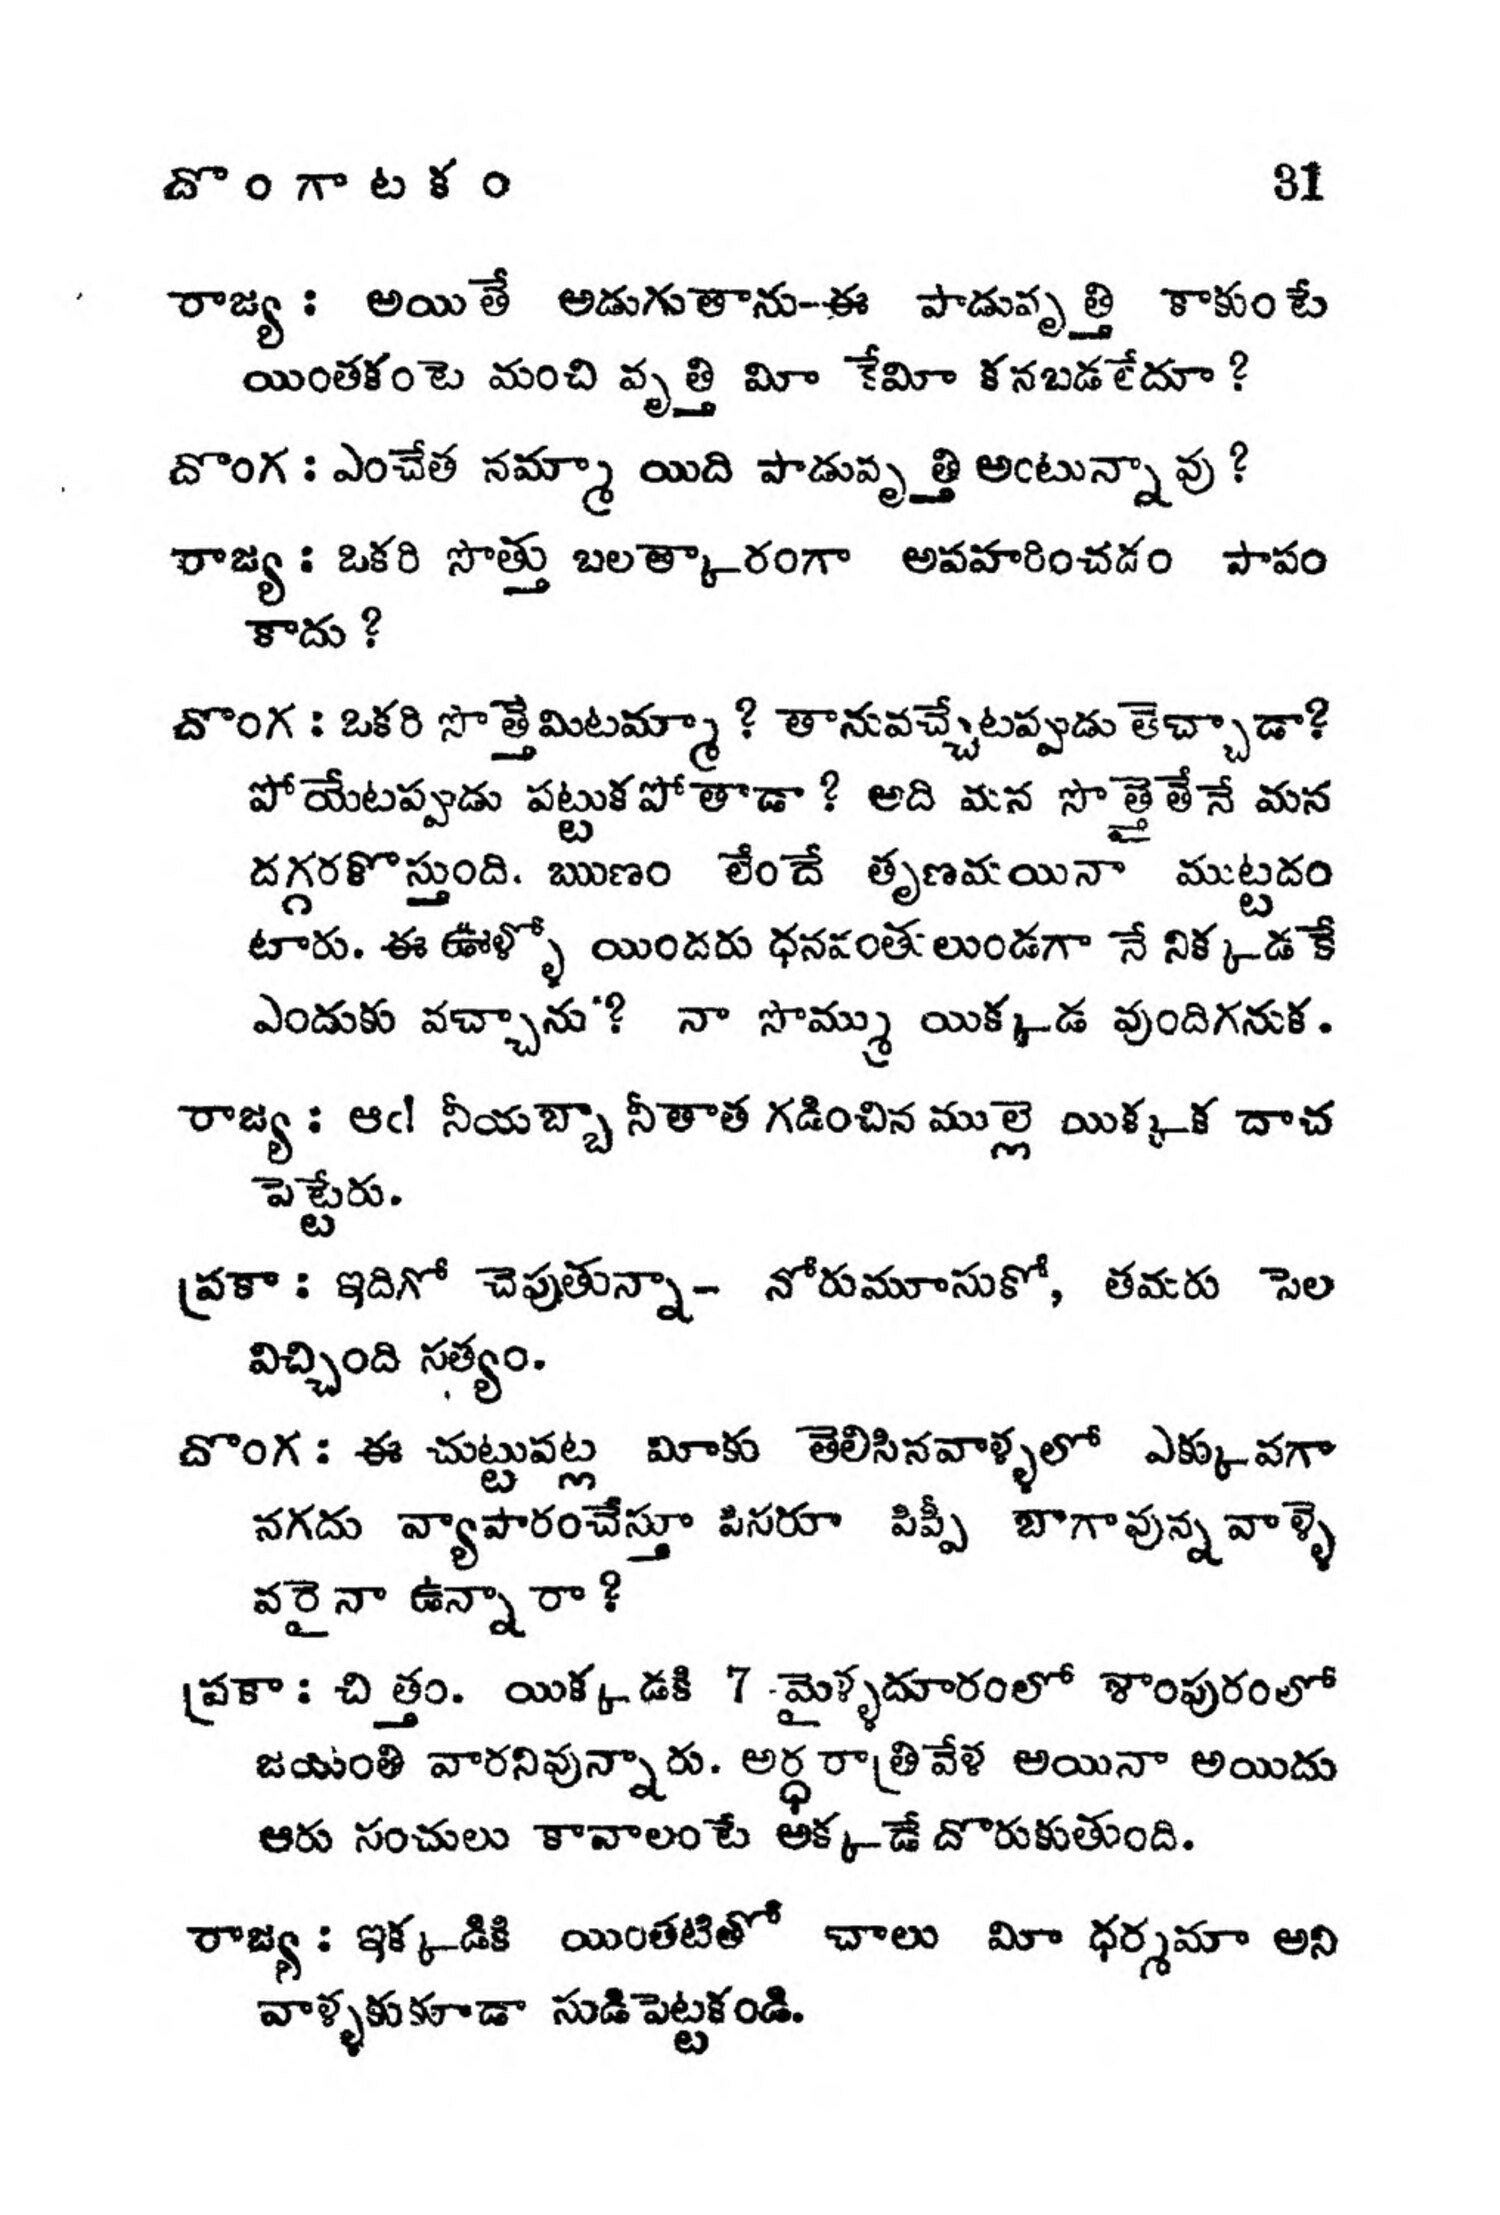రాజ్య : అయితే అడుగుతాను - ఈ పాడువృత్తి కాకుంటే యింతకంటె మంచి వృత్తి మీ కేమీ కనబడలేదూ?

దొంగ : ఎంచేత నమ్మా యిది పాడువృత్తి అంటున్నావు?

రాజ్య : ఒకరి సొత్తు బలత్కారంగా అపహరించడం పాపం కాదు ?

దొంగ : ఒకరి సొత్తేమిటమ్మా? తానువచ్చేటప్పుడు తెచ్చాడా? పోయేటప్పుడు పట్టుకపోతాడా? అది మన సొత్తైతేనే మన దగ్గరకొస్తుంది. ఋణం లేందే తృణమయినా ముట్టదంటారు. ఈ ఊళ్ళో యిందరు ధనవంతులుండగా నేనిక్కడకే ఎందుకు వచ్చాను'? నా సొమ్ము యిక్కడ వుందిగనుక .

రాజ్య : ఆఁ! నీయబ్బా నీతాత గడించినముల్లె యిక్కక దాచపెట్టేరు.

ప్రకా : ఇదిగో చెపుతున్నా నోరుమూసుకో, తమరు సెలవిచ్చింది సత్యం.

దొంగ : ఈ చుట్టుపట్ల మీకు తెలిసినవాళ్ళలో ఎక్కువగా నగదు వ్యాపారంచేస్తూ పిసరూ పిప్పీ బాగావున్న వాళ్ళెవరైనా ఉన్నారా?

ప్రకా : చిత్తం. యిక్కడకి 7 మైళ్ళదూరంలో శాంపురంలో జయంతి వారనివున్నారు. అర్ధరాత్రివేళ అయినా అయిదు
ఆరు సంచులు కావాలంటే అక్కడే దొరుకుతుంది.

రాజ్య : ఇక్కడికి యింతటితో చాలు మీూ ధర్మమా అని వాళ్ళకుకూడా సుడిపెట్టకండి.